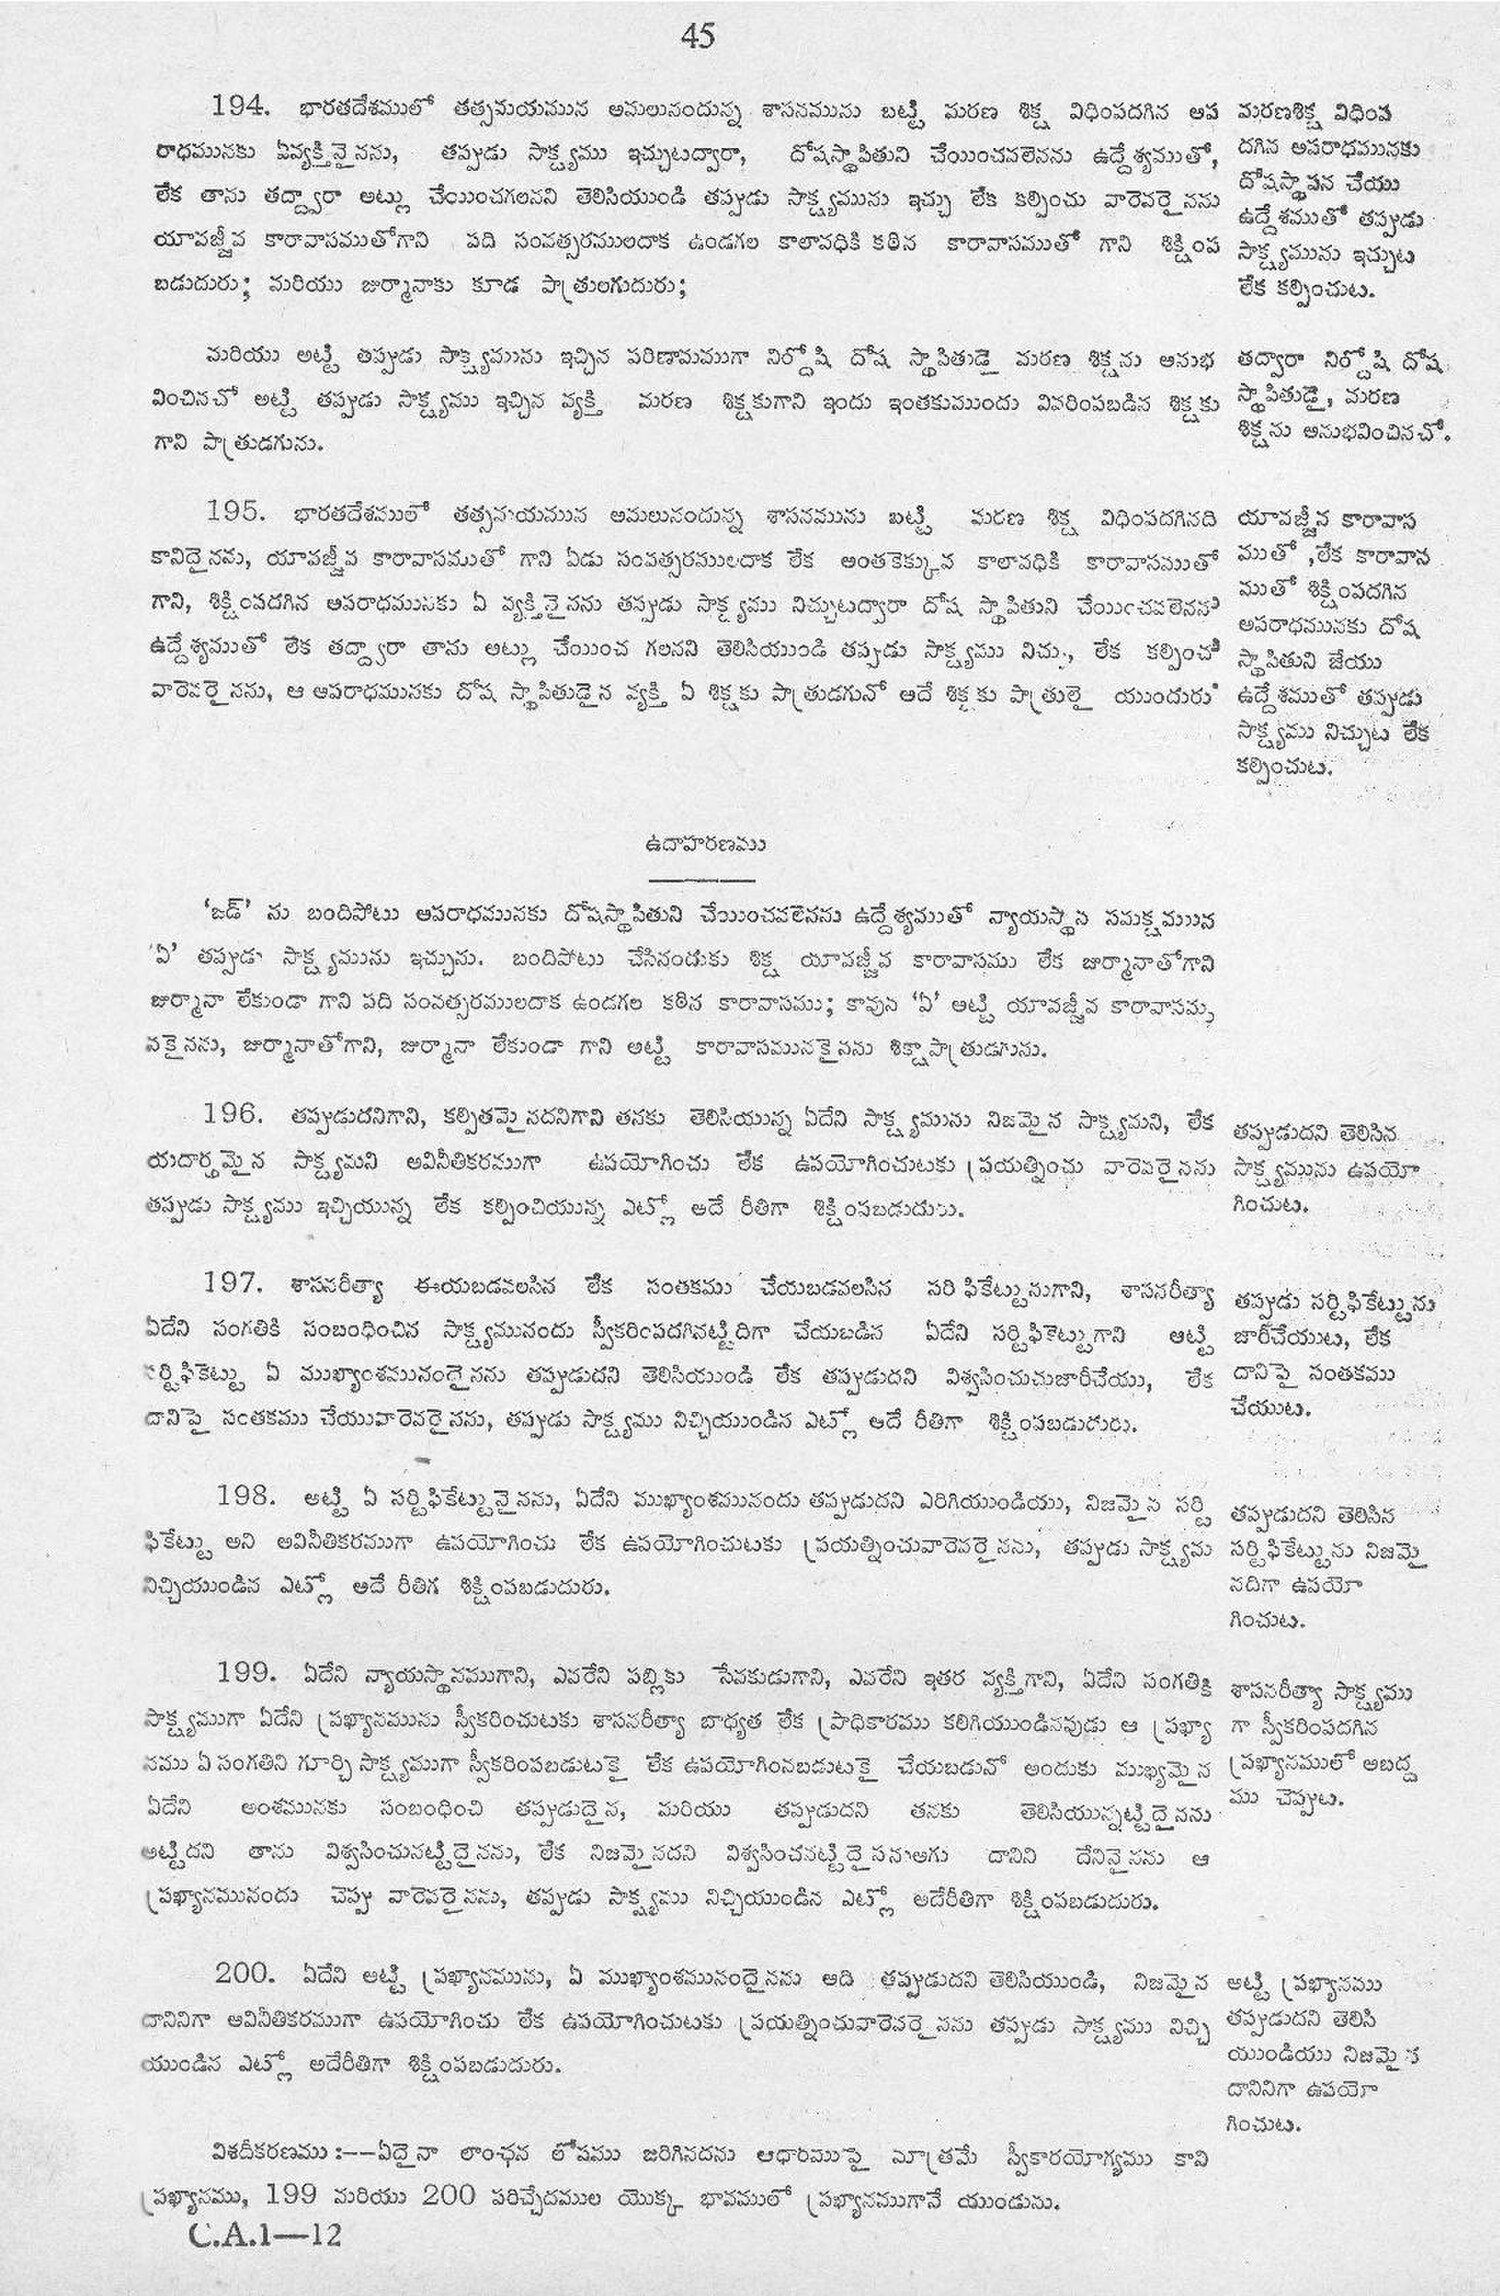మరణశిక్ష విధింపదగిన అపరాధమునకు దోషస్థాపన చేయు ఉద్దేశముతో తప్పుడు సాక్ష్యమును ఇచ్చుట లేక కల్పించుట.

194. భారతదేశములో తత్సమయమున అమలునందున్న శాసనమును బట్టి మరణ శిక్ష విధింపదగిన అపరాధమునకు ఏవ్యక్తి నైనను, తప్పుడు సాక్ష్యము ఇచ్చుట ద్వారా, దోషస్థాపితుని చేయించవలెనను ఉద్దేశ్యముతో, లేక తాను తద్వారా అట్లు చేయించగలనని తెలిసియుండి తప్పుడు సాక్ష్యమును ఇచ్చు లేక కల్పించు వారెవరైనను యావజ్జీవ కారావాసముతో గాని పది సంవత్సరములదాక ఉండగల కాలావధికి కఠిన కారావాసముతో గాని శిక్షింపబడుదురు; మరియు జుర్మానాకు కూడ పాత్రులగుదురు;

తద్వారా నిర్దోషి దోష స్థాపితుడై , మరణశిక్షను అనుభవించినచో,

మరియు అట్టి తప్పుడు సాక్ష్యమును ఇచ్చిన పరిణామముగా నిర్దోషి దోష స్థాపితుడై మరణ శిక్షను అనుభవించినచో అట్టి తప్పుడు సాక్ష్యము ఇచ్చిన వ్యక్తి మరణ శిక్షకుగాని ఇందు ఇంతకుముందు వివరింపబడిన శిక్షకు గాని పాత్రుడగును.

యావజ్జీవ కారావాసముతో ,లేక కారావాసముతో శిక్షింపదగిన అపరాధమునకు దోషస్థాపితుని జేయు ఉద్దేశముతో తప్పుడు సాక్ష్యము నిచ్చుట లేక కల్పించుట.

195. భారతదేశములో తత్సన యమున అమలుసందున్న శాసనమును బట్టి మరణ శిక్ష విధింపదగినది కానిదైనను, యావజ్జీవ కారావాసముతో గాని ఏడు సంవత్సరముల దాక లేక అంత కెక్కువ కాలావధికి కారావాసముతో గాని, శిక్షింపదగిన అపరాధములకు ఏ వ్యక్తి నైనను తప్పుడు సాక్ష్యము నిచ్చుట ద్వారా దోష స్థాపితుని చేయించవలెనను ఉద్దేశ్యముతో లేక తద్ద్వారా తాను అట్లు చేయించ గలనని తెలిసియుండి తప్పుడు సాక్ష్యము నిచ్చు, లేక కల్పించు వారెవరైనను, ఆ ఆపరాధమునకు దోష స్థాపితుడైన వ్యక్తి ఏ శిక్షకు పాత్రుడగునో ఆదే శిక్ష కు పాత్రులై యుందురు.

'జడ్' ను బందిపోటు ఆపరాధమునకు దోషస్థాపితుని చేయించవలెనను ఉద్దేశ్యముతో న్యాయస్థాన సమక్షమున 'ఏ' తప్పుడు సాక్ష్యమును ఇచ్చును. బందిపోటు చేసినందుకు శిక్ష యావజ్జీవ కారావాసము లేక జూర్మానాతో గాని జుర్మానా లేకుండా గాని పది సంవత్సరములదాక ఉండగల కఠిన కారావాసము; కావున 'ఏ' అట్టి యావజ్జీవ కారావాసము నకైనను, జుర్మానాతో గాని, జుర్మానా లేకుండా గాని అట్టి కారావాసమునకై నను శిక్షాపాత్రుడగును,

తప్పుడుదని తెలిసిన సాక్ష్యమును ఉపయోగించుట.

196. తప్పుడు దనిగాని, కల్పితమై నదనిగాని తనకు తెలిసియున్న ఏదేని సాక్ష్యమును నిజమైన సాక్ష్యమని, లేక
యదార్ధ మైన సాక్ష్యమని అవినీతికరముగా ఉపయోగించు లేక ఉపయోగించుటకు ప్రయత్నించు వారెవరైనను తప్పుడు సాక్ష్యము ఇచ్చియున్న లేక కల్పించియున్న ఎట్లో అదే రీతిగా శిక్షింపబడుదురు.

తప్పుడు సర్టిఫికేట్టును జారీచేయుట, లేక దాని పై సంతకము చేయుట.

197. శాససరీత్యా ఈయబడవలసిన లేక సంతకము చేయబడవలసిన సర్టిఫికేట్టునుగాని, శాసనరీత్యా ఏదేని సంగతికి సంబంధించిన సాక్ష్యమునందు స్వీకరింపదగినట్టిదిగా చేయబడిన ఏదేని సర్టిఫికెట్టుగాని ఆట్టి సర్టిఫికెట్టు ఏ ముఖ్యాంశము నందైనను తప్పుడుదని తెలిసియుండి లేక తప్పుడుదని విశ్వసించుచుజారీచేయు, లేక దానిపై సంతకము చేయు వారెవరైనను, తప్పుడు సాక్ష్యము నిచ్చియుండిన ఎట్లో ఆదే రీతిగా శిక్షింపబడుదురు.

తప్పుడుదని తెలిసిన సర్టిఫికేటును నిజమైనదిగా ఉపయోగించుట.

198. అట్టి ఏ సర్టిఫికేట్టునైనను, ఏదేని ముఖ్యాంశమునందు తప్పుడుదని ఎరిగియుండియు, నిజమైన సర్టిఫికేట్టు అని అవినీతికరముగా ఉపయోగించు లేక ఉపయోగించుటకు ప్రయత్నించువారెవరైనను, తప్పుడు సాక్ష్యను నిచ్చియుండిన ఎట్లో అదే రీతిగ శిక్షింపబడుదురు.

శాసనరీత్యా సాక్ష్యముగా స్వీకరింపదగిన ప్రఖానములో అబద్దము చెప్పుట.

199. ఏదేని న్యాయస్థానముగాని, ఎవరేని పబ్లికు సేవకుడుగాని, ఎవరేని ఇతర వ్యక్తి గాని, ఏదేని సంగతికి సాక్ష్యముగా ఏదేని ప్రఖ్యానమును స్వీకరించుటకు శాససరీత్యా బాధ్యత లేక ప్రాధికారము కలిగియుండినపుడు ఆ ప్రఖ్యానము ఏ సంగతిని గూర్చి సాక్ష్యముగా స్వీకరింపబడుటకై లేక ఉపయోగించబడుటకై చేయబడునో అందుకు ముఖ్యమైన ఏదేని అంశమునకు సంబంధించి తప్పుడుదైన, మరియు తప్పుడుదని తనకు తెలిసియున్నట్టిదైనను అట్టిదని తాను విశ్వసించునట్టిదైనను, లేక నిజమైనదని విశ్వసించనట్టిదైనను అగు దేనినైనను ఆ ప్రఖ్యానమునందు చెప్పు వారెవరైనను, తప్పుడు సాక్ష్యము నిచ్చియుండిన ఎట్లో అదేరీతిగా శిక్షింపబడుదురు.

అట్టి ప్రఖ్యానము తప్పుడుదని తెలిసియుండియు నిజమైన దానినిగా ఉపయోగించుట.

200. ఏదేని ఆట్టి ప్రఖ్యానమును, ఏ ముఖ్యాంశమునందైనను అది తప్పుడుదని తెలిసియుండి, నిజమైన దానినిగా అవినీతికరముగా ఉపయోగించు లేక ఉపయోగించుటకు ప్రయత్నించువారెవరైనను తప్పుడు సాక్ష్యము నిచ్చి యుండిన ఎట్లో అదేరీతిగా శిక్షింపబడుదురు.

విశదీకరణము :-- ఏదైనా లాంఛన లోపము జరిగినదను ఆధారముపై మాత్రమే స్వీకారయోగ్యము కాని ప్రఖ్యానము, 199 నురియు 200 పరిచ్చేదముల యొక్క భావములో ప్రఖ్యానముగానే యుండును.